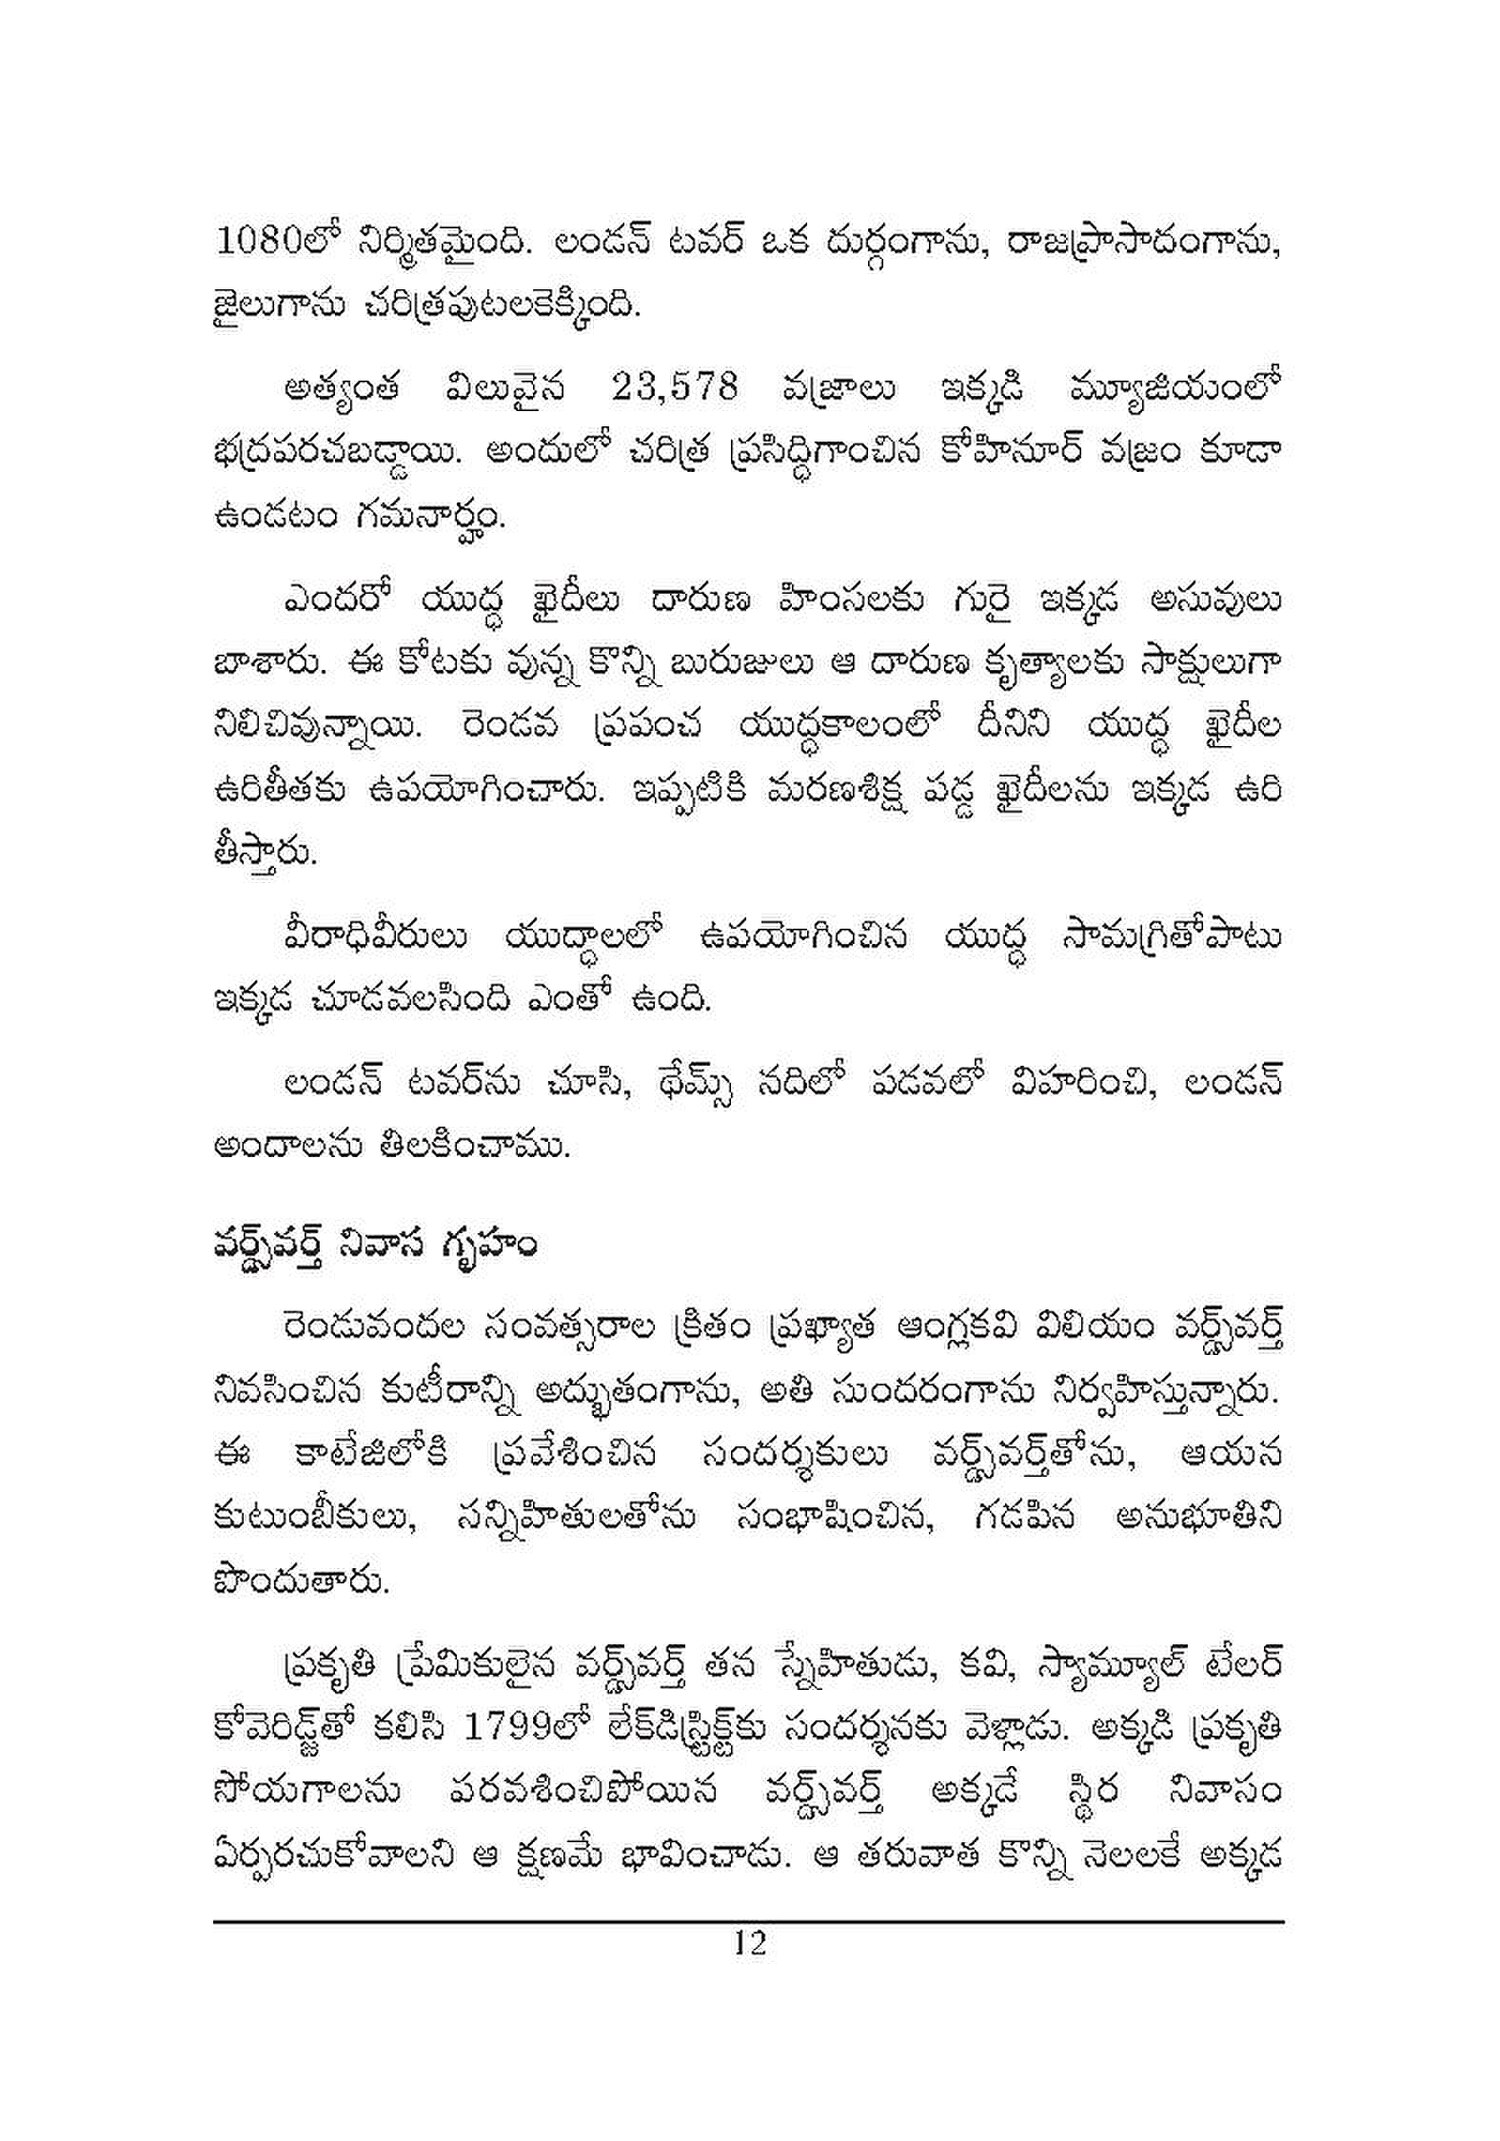1080లో నిర్మితమైంది. లండన్ టవర్ ఒక దుర్గంగాను, రాజప్రాసాదంగాను, జైలుగాను చరిత్రపుటలకెక్కింది. 

అత్యంత విలువైన 23,578 వజ్రాలు ఇక్కడి మ్యూజియంలో భద్రపరచబడ్డాయి. అందులో చరిత్ర ప్రసిద్ధిగాంచిన కోహినూర్ వజ్రం కూడా ఉండటం గమనార్హం. 

ఎందరో యుద్ధ ఖైదీలు దారుణ హింసలకు గురై ఇక్కడ అసువులు బాశారు. ఈ కోటకు వున్న కొన్ని బురుజులు ఆ దారుణ కృత్యాలకు సాక్షులుగా నిలిచివున్నాయి. రెండవ ప్రపంచ యుద్ధకాలంలో దీనిని యుద్ధ ఖైదీల ఉరితీతకు ఉపయోగించారు. ఇప్పటికి మరణశిక్ష పడ్డ ఖైదీలను ఇక్కడ ఉరి తీస్తారు. 

వీరాధివీరులు యుద్ధాలలో ఉపయోగించిన యుద్ధ సామగ్రితోపాటు ఇక్కడ చూడవలసింది ఎంతో ఉంది. 

లండన్ టవర్‌ను చూసి, థేమ్స్ నదిలో పడవలో విహరించి, లండన్ అందాలను తిలకించాము. 

వర్డ్స్‌వర్త్ నివాస గృహం 

రెండువందల సంవత్సరాల క్రితం ప్రఖ్యాత ఆంగ్లకవి విలియం వర్డ్స్‌వర్త్ నివసించిన కుటీరాన్ని అద్భుతంగాను, అతి సుందరంగాను నిర్వహిస్తున్నారు. ఈ కాటేజిలోకి ప్రవేశించిన సందర్శకులు వర్డ్స్‌వర్త్‌తోను, ఆయన కుటుంబీకులు, సన్నిహితులతోను సంభాషించిన, గడపిన అనుభూతిని పొందుతారు. ప్రకృతి ప్రేమికులైన వర్డ్స్‌వర్త్ తన స్నేహితుడు, కవి, స్యామ్యూల్ టేలర్ కోవెరిడ్జ్‌తో కలిసి 1799లో లేక్‌డిస్ట్రిక్ట్‌కు సందర్శనకు వెళ్లాడు. అక్కడి ప్రకృతి సోయగాలను పరవశించిపోయిన వర్డ్స్‌వర్త్ అక్కడే స్థిర నివాసం ఏర్పరచుకోవాలని ఆ క్షణమే భావించాడు. ఆ తరువాత కొన్ని నెలలకే అక్కడ